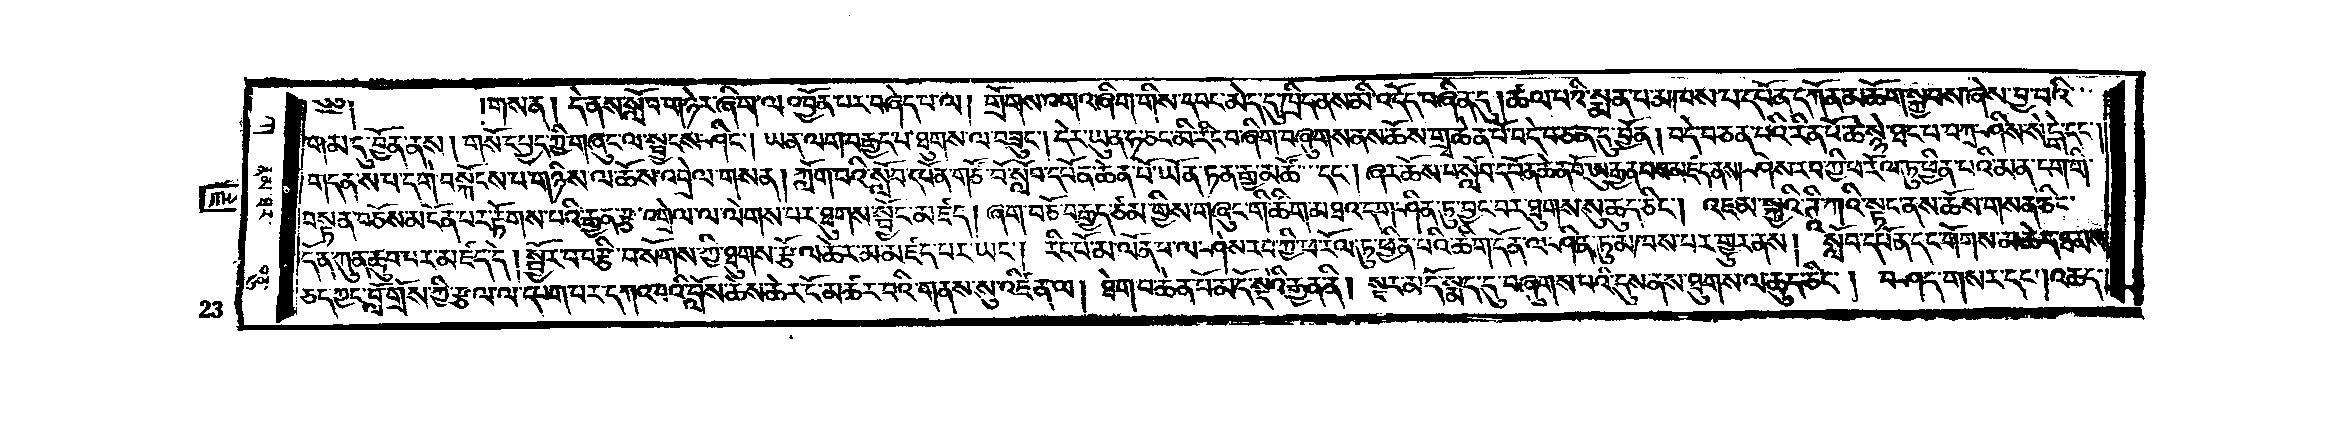༄༅། །གསན། དེ་ནས་སློབ་གཉེར་ཞིག་ལ་འབྱོན་པར་བཞེད་པ་ལ། གྲོགས་འགའ་ཞིག་གིས་དབང་མེད་དུ་ཁྲིད་ནས་མི་འདོད་བཞིན་དུ། ཚལ་པའི་སྨན་པ་མཁས་པ་དཔོན་དཀོན་མཆོག་སྐྱབས་ཞེས་བྱ་བའི་
གམ་དུ་བྱོན་ནས། གསོ་དཔྱད་ཀྱི་གཞུང་ལ་སྦྱངས་ཤིང་། ཡན་ལག་བརྒྱད་པ་ཐུགས་ལ་བཟུང་། དེར་ཡུན་ཧ་ཅང་མི་རིང་བ་ཞིག་བཞུགས་ནས་ཆོས་གྲྭ་ཆེན་པོ་བདེ་བ་ཅན་དུ་བྱོན། བདེ་བ་ཅན་པའི་རིན་པོ་ཆེ་སྙེ་ཐང་པ་བཀྲ་ཤིས་སེངྒེ་དང་།
གདན་ས་པ་དགེ་བསྐོངས་པ་གཉིས་ལ་ཆོས་འབྲེལ་གསན། ཀློག་པའི་སློབ་དཔོན་གཙོ་བོ་སློབ་དཔོན་ཆེན་པོ་ཡོན་ཏན་རྒྱ་མཚོ་དང་། ཞར་ཆོས་པ་སློབ་དཔོན་ཆེན་པོ་ཨུ་རྒྱན་པས་མཛད་ནས། ཤེས་རབ་ཀྱི་ཕ་རོལ་ཏུ་ཕྱིན་པའི་མན་ངག་གི་
བསྟན་བཅོས་མངོན་པར་རྟོགས་པའི་རྒྱན་རྩ་འགྲེལ་ལ་ལེགས་པར་ཐུགས་སྦྱོང་མཛད། ཞག་བཅོ་བརྒྱད་ཙམ་གྱིས་གཞུང་གི་ཚིག་མཐའ་དག་ཤིན་ཏུ་བྱང་བར་ཐུགས་སུ་ཆུད་ཅིང་། འཇམ་སྐྱའི་ཊཱི་ཀའི་སྟང་ནས་ཆོས་གསན་ཅིང་
དོན་ཀུན་ཆུབ་པར་མཛད་དེ། སྦྱོར་བ་བརྩི་བ་སོགས་ཀྱི་ཐུགས་རྩོལ་ཆེར་མ་མཛད་པར་ཡང་། རིང་པོ་མ་ལོན་པ་ལ་ཤེས་རབ་ཀྱི་ཕ་རོལ་ཏུ་ཕྱིན་པའི་ཚིག་དོན་ལ་ཤིན་ཏུ་མཁས་པར་གྱུར་ནས། སློབ་དཔོན་དང་གོགས་མཆེད་ཐམས་
ཅད་ཀྱང་བློ་གྲོས་ཀྱི་རྩལ་ལ་དཔག་པར་དཀའ་བའི་བློས་ཆེས་ཆེར་ངོ་མཚར་བའི་གནས་སུ་འཛིན་ལ། ཐེག་པ་ཆེན་པོ་མདོ་སྡེའི་རྒྱན་ནི། སྔར་མདོ་སྨད་དུ་བཞུགས་པའི་དུས་ནས་ཐུགས་ལ་ཆུད་ཅིང་། བཤད་གསར་དང་། འཆད་